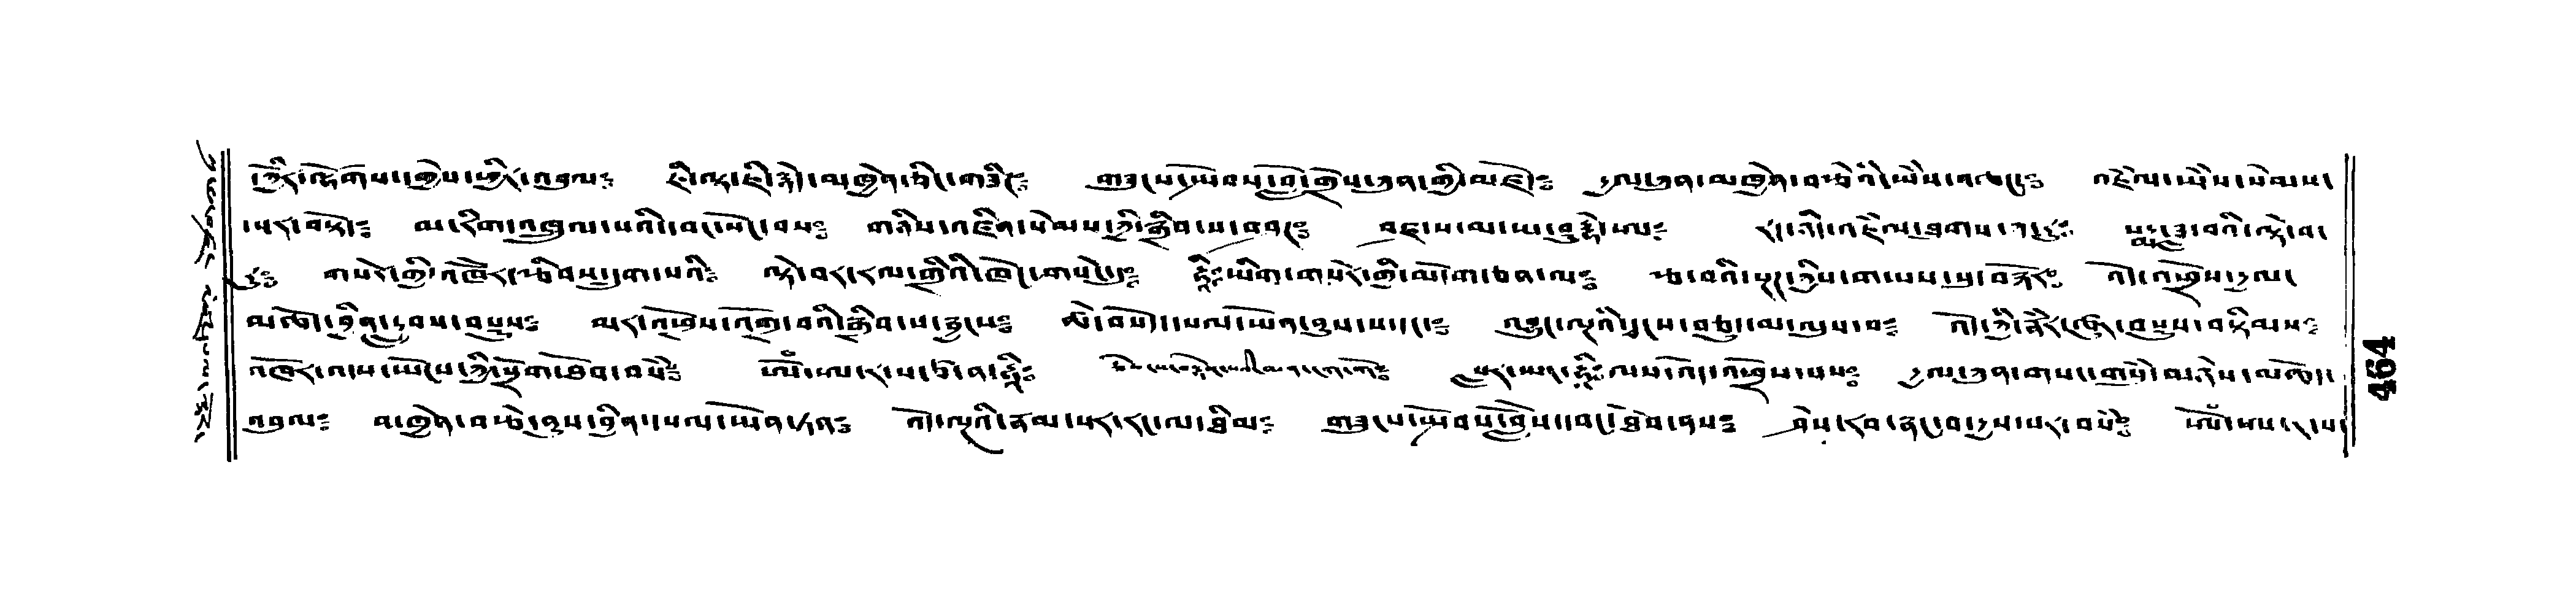དཀྱིལ་འཁོར་ལྷ་ཚོགས་དགྱེས་ཕྱིར་འབུལ༔ ཇི་ལྟ་ཇི་སྙེད་མཁྱེན་ཅིང་གཟིགས༔གཟུང་སྤོབས་བློ་གྲོས་ཀུན་གྱི་མཛོད༔ རྒྱལ་ཀུན་མཁྱེན་བརྩེའི་ཡེ་ཤེས་འཆང༔ འཇམ་དཔལ་ཡེ་ཤེས་སེམས་
དཔར་བསྟོད༔ མ་རིག་འཁྲུལ་པའི་དབང་སོང་བས༔ གཉིས་འཛིན་སེམས་ཀྱི་སྒྲིབ་པ་བཤགས༔ བཛྲ་ས་མ་ཡ་ཤུདྡྷེ་ཨཱཿ རང་ཉིད་འཇམ་དཔལ་ཐུགས་ཀ་རུ༔ པདྨ་ཟླ་བའི་ལྟེ་བ་
རུ༔ གསེར་གྱི་འཁོར་ལོ་རྩིབས་དྲུག་པའི༔ ལྟེ་བར་རལ་གྲིའི་ཁོང་གསེང་དུ༔ དྷཱིཿཡིག་གསེར་གྱི་མདོག་ཅན་ལ༔ རྩ་བའི་སྔགས་ཀྱིས་གཡས་སུ་བསྐོར༔ འོད་འཕྲོས་རྒྱལ་
མཆོད་བྱིན་རླབས་བསྡུས༔ མར་འཕྲོས་འགྲོ་བའི་སྒྲིབ་པ་སྦྱངས༔ ཚེ་བསོད་དཔལ་ཡོན་ནུས་པ་དང༔ འབྱུང་ལྔའི་དྭངས་བཅུད་མ་ལུས་པ༔ འོད་ཀྱི་རྣམ་པར་ཚུར་བསྡུས་བསྟིམས༔ 
འཁོར་འདས་ཡོངས་ཀྱི་སྲོག་ཐོབ་བསམ༔ ཨོཾ་ཨ་ར་པ་ཙ་ན་དྷཱིཿ ཅེས་པ་བསྙེན་པའི་མན་ངག་གོ༔ སླར་ཡང་དྷཱིཿལས་འོད་འཕྲོས་པས༔ རྒྱལ་ཀུན་གསང་གསུམ་མཉེས་མཆོད་
འབུལ༔ མཁྱེན་བརྩེ་ནུས་བྱིན་དཔལ་ཡོན་ཏན༔ འོད་ལྔའི་རྣམ་པར་རང་ལ་ཐིམ༔ གཟུངས་སྤོབས་བླ་གྲོས་དབང་ཐོབ་ནས༔ ཤེས་རབ་སྣང་བ་རྒྱས་པར་བསམ༔ ཨོཾ་ཨ་ར་པ་